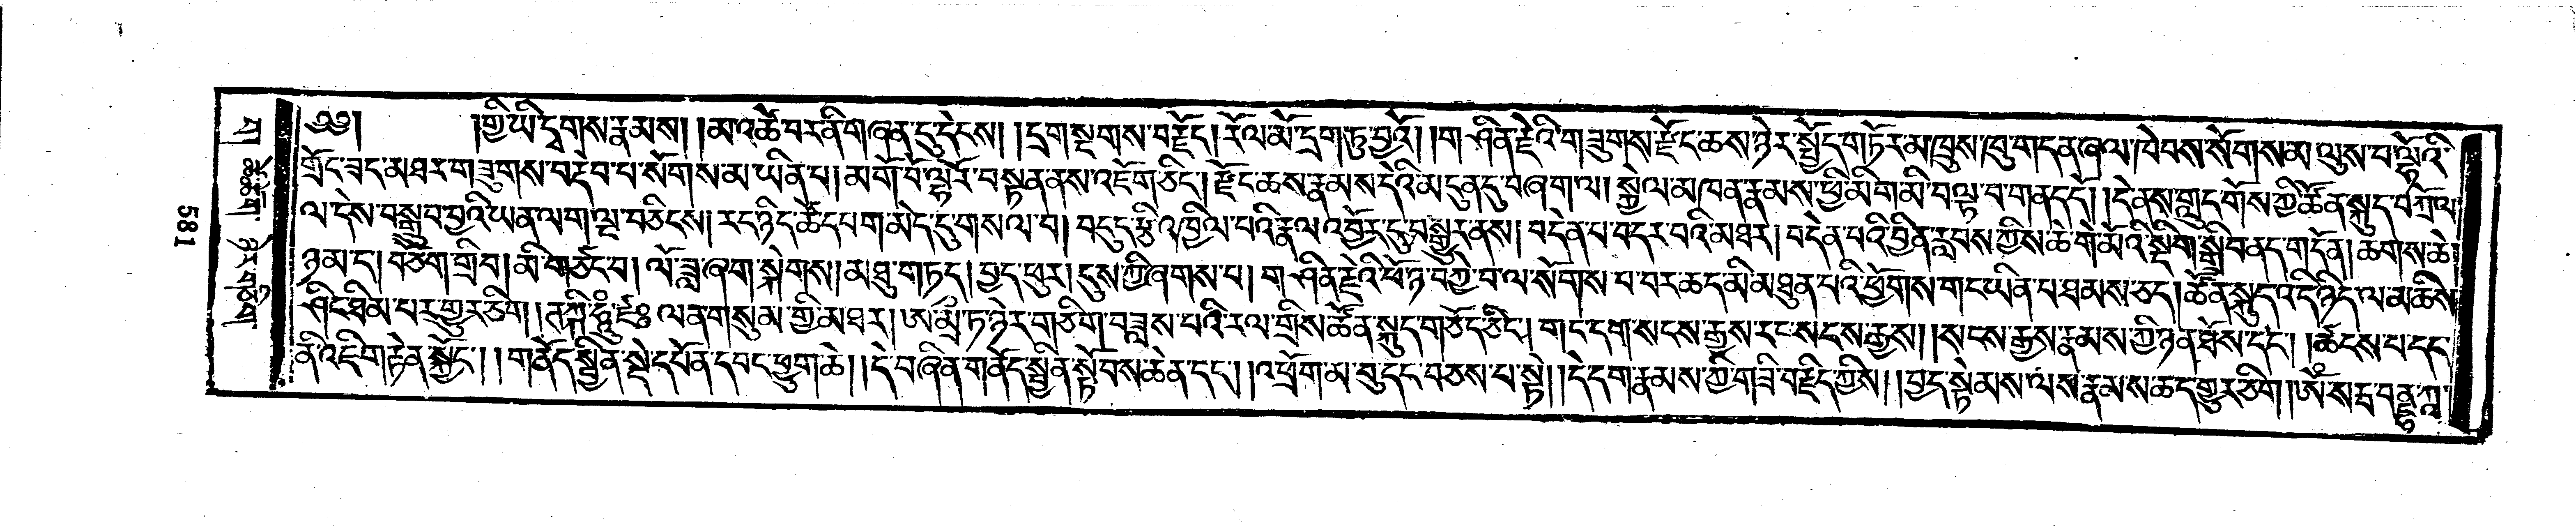༄༅། །གྱི་ཡི་དྭགས་རྣམས། །མ་འཚེ་བར་ནི་གཞན་དུ་དེངས། །དྲག་སྔགས་བརྗོད། རོལ་མོ་དྲག་ཏུ་བྱའོ། །གཤིན་རྗེའི་གཟུགས་རྫོང་ཆས་ཉེར་སྤྱོད་གཏོར་མ་ཁྲུས་ཁུ་གདན་ཞལ་ཁེབས་སོགས་མ་ལུས་པ་ལྷོའི་
གྲོང་ཟད་མཐར་གཟུགས་བརྡེབ་པ་སོགས་མ་ཡིན་པ། མགོ་བོ་ལྷོར་བསྟན་ནས་འཇོག་ཅིང་། རྫོང་ཆས་རྣམས་དེའི་མདུན་དུ་བཞག་ལ། སྐྱེལ་མཁན་རྣམས་ཕྱི་མིག་མི་བལྟ་བ་གནད་དོ། །དེ་ནས་གླུད་གོས་ཀྱི་ཚོན་སྐུད་བཀྲོལ་
ལ་དེས་བསྒྲུབ་བྱའི་ཡན་ལག་ལྔ་བཅིངས། རང་ཉིད་ཚེ་དཔག་མེད་དུ་གསལ་བ། བདུད་རྩི་འཁྱིལ་བའི་རྣལ་འབྱོར་དུ་བསྒྱུར་ནས། བདེན་པ་འདར་བའི་མཐར། བདེན་པའི་བྱིན་རླབས་ཀྱིས་ཆེ་གེ་མོའི་སྡིག་སྒྲིབ་ནད་གདོན། ཆགས་ཆེ།
ཉམ་ང་། བཙོག་གྲིབ། མི་གཙང་བ། ལོ་ཟླ་ཞག་སྐེགས། མཐུ་གཏད། བྱད་ཕུར། དུས་ཀྱི་ཞགས་པ། གཤིན་རྗེའི་ཕོ་ཉ་བཀྱེ་བ་ལ་སོགས་པ་བར་ཆད་མི་མཐུན་པའི་ཕྱོགས་གང་ཡིན་པ་ཐམས་ཅད། ཚོན་སྐུད་འདི་ཉིད་ལ་མཆིས་
ཤིང་ཐིམ་པར་གྱུར་ཅིག །ཊཀྐི་ཧཱུཾ་ཛཿ ལན་གསུམ་གྱི་མཐར། ཨ་མྲྀ་ཏ་ཉེར་གཅིག་བཟླས་པའི་རལ་གྲིས་ཚོན་སྐུད་གཅོད་ཅིང་། གང་དག་སངས་རྒྱས་རང་སངས་རྒྱས། །སངས་རྒྱས་རྣམས་ཀྱི་ཉན་ཐོས་དང་། །ཚངས་པ་དང་
ནི་འཇིག་རྟེན་སྐྱོང་། །གནོད་སྦྱིན་སྡེ་དཔོན་དང་ཕྱུག་ཆེ། །དེ་བཞིན་གནོད་སྦྱིན་སྟོབས་ཆེན་དང་། །འཕྲོག་མ་བུ་དང་བཅས་པ་སྟེ། །དེ་དག་རྣམས་ཀྱི་གཟི་བརྗིད་ཀྱིས། །བྱད་སཏ༄༅༅༺་༈༺ ༨འ༺༣༠ ༨༆༠༺་༺ ༩༺༩༺༈༣འ༺་༺?༩་འ ༣༺༠༣༺༈༺༺༺འ༺འ༠༩་༈ ༣༨༆༈༠༣ ༩་༺༈༠ ༠༩༠་འ༺་འ་༺༆༈༺༈༠༠༆ ༨འ༺༩༣༠༨འ༩ ༠༺༆༈༺༈༠༣༣ ༩༠༣༺༈༠༄༅༅༺༩ ༠༆༨འའ༆༠༺ ༠༩པ ༩༩༺༆༄༅༅༄༅༅༺༩ ༠༩༄༅༅